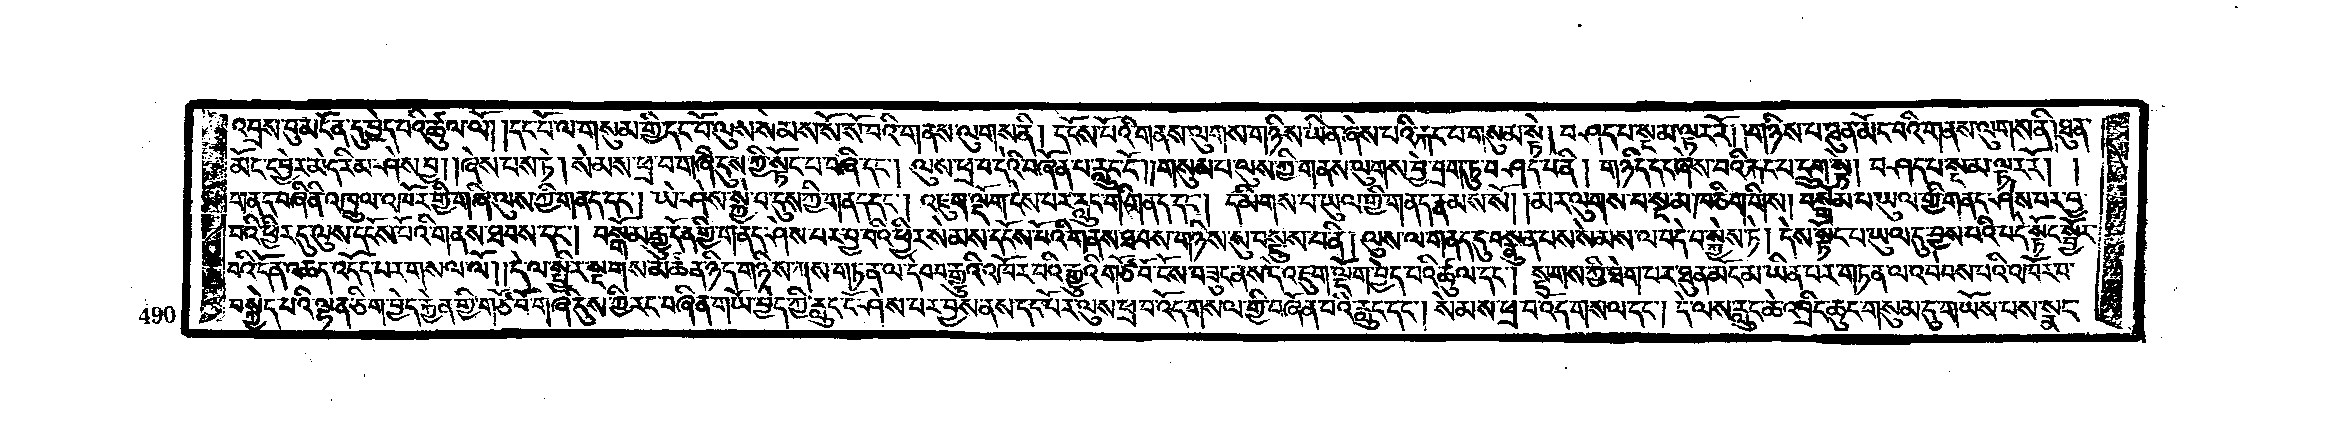འབྲས་བུ་མངོན་དུ་བྱེད་པའི་ཚུལ་ལོ། །དང་པོ་ལ་གསུམ་གྱི་དང་པོ་ལུས་སེམས་སོ་སོ་བའི་གནས་ལུགས་ནི། དངོས་པོའི་གནས་ལུགས་གཉིས་ཡིན་ཞེས་པའི་རྐང་པ་གསུམ་སྟེ། བཤད་པ་སྔ་མ་ལྟར་རོ། །གཉིས་པ་ཐུན་མོང་བའི་གནས་ལུགས་ནི། ཐུན་
མོང་དབྱེར་མེད་རིམ་ཤེས་བྱ། །ཞེས་པས་ཏེ། སེམས་ཕྲ་བ་གཞི་དུས་ཀྱི་སྟོང་པ་བཞི་དང་། ལུས་ཕྲ་བ་དེའི་བཞོན་པ་རླུང་ངོ། །གསུམ་པ་ལུས་ཀྱི་གནས་ལུགས་བྱེ་བྲག་ཏུ་བཤད་པ་ནི། གཉིད་དང་ཞེས་པའི་རྐང་པ་དྲུག་སྟེ། བཤད་པ་སྔ་མ་ལྟར་རོ། །
གནད་བཞི་ནི་འཁྲུལ་འཁོར་གྱི་གཞི་ལུས་ཀྱི་གནད་དང་། ཡེ་ཤེས་སྐྱེ་བ་དུས་ཀྱི་གནད་དང་། འཇུག་ལྡོག་ངེས་པར་རླུང་གི་གནད་དང་། དམིགས་པ་ཡུལ་གྱི་གནད་རྣམས་སོ། །མར་ལུགས་པ་སྔ་མ་ཁ་ཅིག་གིས། བསྒོམ་པ་ཡུལ་གྱི་གནད་ཤེས་པར་བྱ་
བའི་ཕྱིར་དུ་ལུས་དངོས་པོའི་གནས་ཐབས་དང་། བསྒོམ་རྒྱུ་དོན་གྱི་གནད་ཤེས་པར་བྱ་བའི་ཕྱིར་སེམས་དངོས་པོའི་གནས་ཐབས་གཉིས་སུ་བསྡུས་པ་ནི། ལུས་ལ་གནད་དུ་བསྣུན་པས་སེམས་ལ་བདེ་བ་སྐྱེས་ཏེ། དེས་སྟོང་པ་ཡུལ་དུ་བྱས་པའི་བདེ་སྟོང་སྦྱོར་
བའི་དོན་འཆད་འདོད་པར་གསལ་ལོ། །དེ་ལ་སྤྱིར་སྔགས་མཚན་ཉིད་གཉིས་ཀས་གཏན་ལ་དབབ་རྒྱུའི་འཁོར་བའི་རྒྱུའི་གཙོ་བོ་ངོས་བཟུང་ནས་དེ་འཇུག་ལྡོག་བྱེད་པའི་ཚུལ་དང་། སྔགས་ཀྱི་ཐེག་པར་ཐུན་མོང་མ་ཡིན་པར་གཏན་ལ་འབེབས་པའི་འཁོར་བ་
བསྐྱེད་པའི་ལྷན་ཅིག་བྱེད་རྐྱེན་གྱི་གཙོ་བོ་གཞི་དུས་ཀྱི་རང་བཞིན་གཡོ་བྱེད་ཀྱི་རླུང་ངོ་ཤེས་པར་བྱས་ནས་དང་པོར་ལུས་ཕྲ་བ་འོད་གསལ་གྱི་བཞོན་པའི་རླུང་དང་། སེམས་ཕྲ་བ་འོད་གསལ་དང་། དེ་ལས་རླུང་ཆེ་འབྲིང་ཆུང་གསུམ་དུ་གཡོས་པས་སྣང་